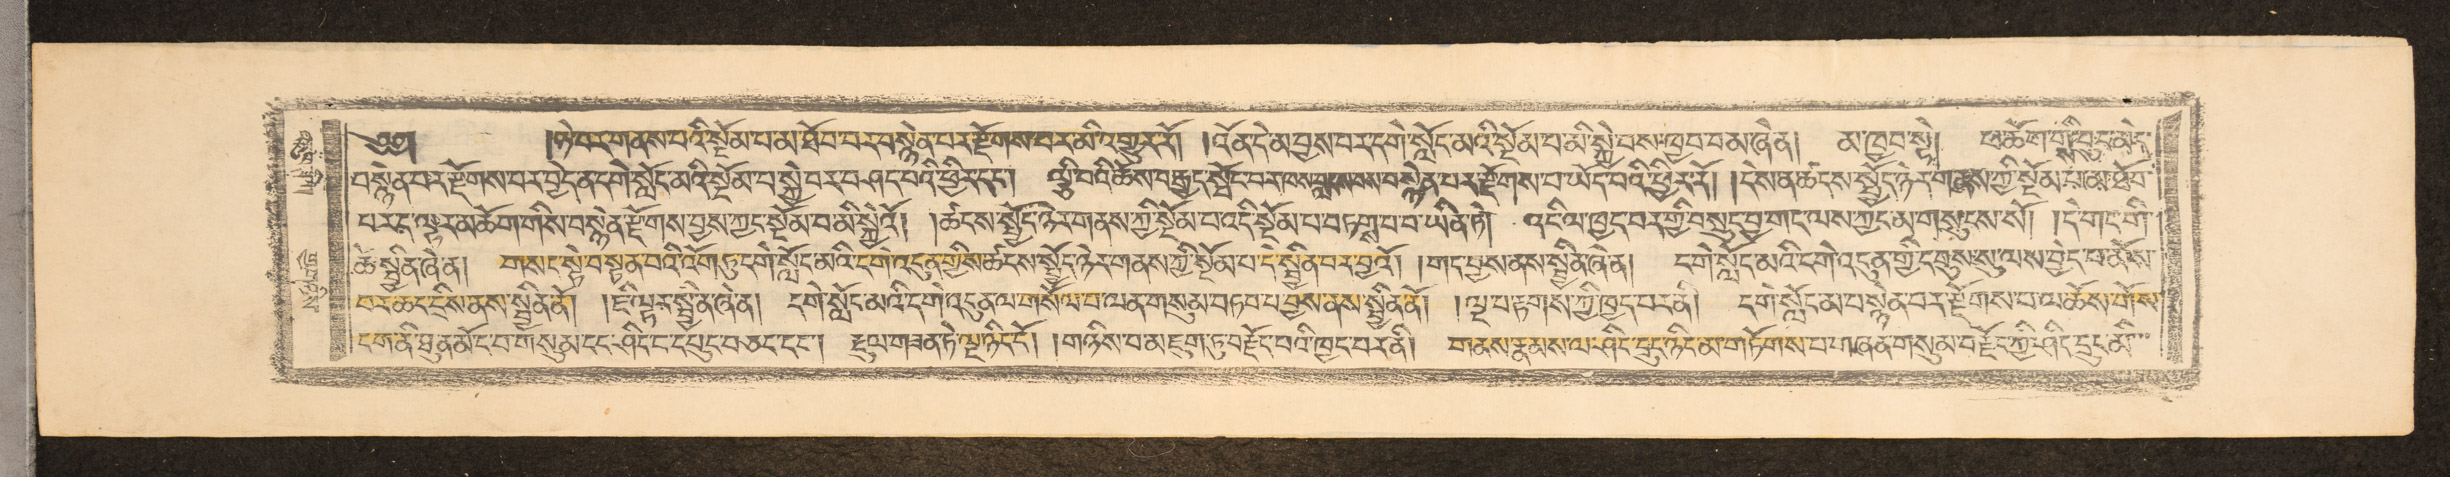༄༅། །ཉེ་བར་གནས་པའི་སྡོམ་པ་མ་ཐོབ་པར་བསྙེན་པར་རྫོགས་པར་མི་འགྱུར་རོ། །འོ་ན་དེ་མ་བྱས་པར་དགེ་སློང་མའི་སྡོམ་པ་མི་སྐྱེ་བས་ཁྱབ་བམ་ཞེ་ན། མ་ཁྱབ་སྟེ། ཕ་ཆོག་གིས་བུད་མེད་
བསྙེན་པར་རྫོགས་པར་བྱེད་ན་དགེ་སློང་མའི་སྡོམ་པ་སྐྱེ་བར་བཤད་པའི་ཕྱིར་དང་། ལྕི་བའི་ཆོས་བརྒྱད་སྤོང་བར་ཁས་བླངས་པས་བསྙེན་པར་རྫོགས་པ་ཡོད་པའི་ཕྱིར་རོ། །དེས་ན་ཚངས་སྤྱོད་ཉེར་གནས་ཀྱི་སྡོམ་པ་མ་ཐོབ་
པར་ད་ལྟར་མཆོག་གིས་བསྙེན་རྫོགས་བྱས་ཀྱང་སྡོམ་པ་མི་སྐྱེའོ། །ཚངས་སྤྱོད་ཉེར་གནས་ཀྱི་སྡོམ་པ་འདི་སྡོམ་པ་བཏགས་པ་བ་ཡིན་ཏེ། འདི་ལ་ཁྱད་པར་གྱི་བསྲུང་བྱ་གང་ལས་ཀྱང་མ་གསུངས་སོ། །དེ་གང་གི་
ཚེ་སྦྱིན་ཞེ་ན། གསང་སྟེ་བསྟན་པའི་འོག་ཏུ་དགེ་སློང་མའི་དགེ་འདུན་གྱིས་ཚངས་སྤྱོད་ཉེར་གནས་ཀྱི་སྡོམ་པ་དེ་སྦྱིན་པར་བྱའོ། །གང་བྱས་ནས་སྦྱིན་ཞེ་ན། དགེ་སློང་མའི་དགེ་འདུན་གྱི་དབུས་སུ་ལས་བྱེད་པ་མོས་
བར་ཆད་དྲིས་ནས་སྦྱིན་ནོ། །ཇི་ལྟར་སྦྱིན་ཞེ་ན། དགེ་སློང་མའི་དགེ་འདུན་ལ་གསོལ་བ་ལན་གསུམ་བཏབ་པ་བྱས་ནས་སྦྱིན་ནོ། །ལྔ་པ་རྟགས་ཀྱི་ཁྱད་པར་ནི། དགེ་སློང་མ་བསྙེན་པར་རྫོགས་པ་ལ་ཆོས་གོས་
དག་ནི་ཐུན་མོང་བ་གསུམ་དང་ཤིང་ང་དཔུང་བཅད་དང་། རྡུལ་གཟན་ཏེ་ལྔ་ཉིད་དོ། །གཉིས་པ་མཇུག་ཏུ་བརྗོད་པའི་ཁྱད་པར་ནི། གནས་རྣམས་ལ་ཤིང་དྲུང་ཉིད་མ་གཏོགས་པ་གཞན་གསུམ་བརྗོད་ཀྱི་ཤིང་དྲུང་མི་